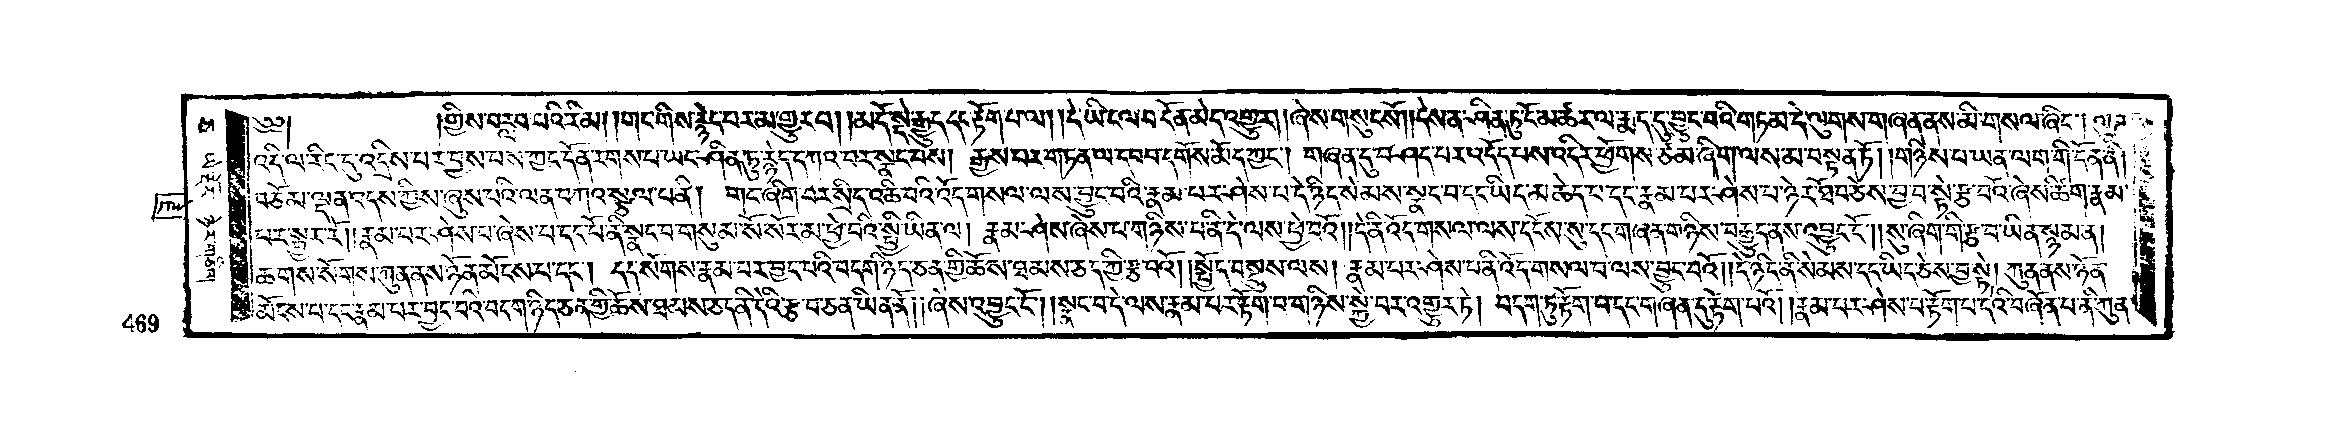༄༅། །གྱིས་བརླབ་པའི་རིམ། །གང་གིས་རྙེད་པར་མ་གྱུར་པ། །མདོ་སྡེ་རྒྱུད་དང་རྟོག་པ་ལ། །དེ་ཡི་ངལ་བ་དོན་མེད་འགྱུར། །ཞེས་གསུངས་སོ། །དེས་ན་ཤིན་ཏུ་ངོ་མཚར་ལ་རྨད་དུ་བྱུང་བའི་གཏམ་དེ་ལུགས་གཞན་ནས་མི་གསལ་ཞིང་། ལུགས་
འདི་ལ་རིང་དུ་འདྲིས་པར་བྱས་པས་ཀྱང་དོན་རགས་པ་ཡང་ཤིན་ཏུ་རྙེད་དཀའ་བར་སྣང་བས། རྒྱས་པར་གཏན་ལ་དབབ་དགོས་མོད་ཀྱང་། གཞན་དུ་བཤད་པར་འདོད་པས་འདིར་ཕྱོགས་ཙམ་ཞིག་ལས་མ་བསྟན་ཏོ། །གཉིས་པ་ཡན་ལག་གི་དོན་ནི།
བཅོམ་ལྡན་འདས་ཀྱིས་ཞུས་པའི་ལན་བཀའ་སྩལ་པ་ནི། གང་ཞིག་བར་སྲིད་འཆི་བའི་འོད་གསལ་ལས་བྱུང་བའི་རྣམ་པར་ཤེས་པ་དེ་ཉིད་སེམས་སྣང་བ་དང་ཡིད་མཆེད་པ་དང་རྣམ་པར་ཤེས་པ་ཉེར་ཐོབ་ཅེས་བྱ་བ་སྟེ་རྩ་བའོ་ཞེས་ཚིག་རྣམ་
པར་སྦྱར་རོ། །རྣམ་པར་ཤེས་པ་ཞེས་པ་དང་པོ་ནི་སྣང་བ་གསུམ་སོ་སོར་མ་ཕྱེ་བའི་སྤྱི་ཡིན་ལ། རྣམ་ཤེས་ཞེས་པ་གཉིས་པ་ནི་དེ་ལས་ཕྱེ་བའོ། །དེ་ནི་འོད་གསལ་ལས་དངོས་སུ་དང་གཞན་གཉིས་བརྒྱུད་ནས་འབྱུང་ངོ། །སུ་ཞིག་གི་རྩ་བ་ཡིན་སྙམ་ན།
ཆགས་སོགས་ཀུན་ནས་ཉོན་མོངས་པ་དང་། དད་སོགས་རྣམ་པར་བྱད་པའི་བདག་ཉིད་ཅན་གྱི་ཆོས་ཐམས་ཅད་ཀྱི་རྩ་བའོ། །སྤྱོད་བསྡུས་ལས། རྣམ་པར་ཤེས་པ་ནི་འོད་གསལ་བ་ལས་བྱུང་བའོ། །དེ་ཉིད་ནི་སེམས་དང་ཡིད་ཅེས་བྱ་སྟེ། ཀུན་ནས་ཉོན་
མོངས་པ་དང་རྣམ་པར་བྱང་བའི་བདག་ཉིད་ཅན་གྱི་ཆོས་ཐམས་ཅད་ནི་དེའི་རྩ་བ་ཅན་ཡིན་ནོ། །ཞེས་འབྱུང་ངོ། །སྣང་བ་དེ་ལས་རྣམ་པར་རྟོག་པ་གཉིས་སྐྱེ་བར་འགྱུར་ཏེ། བདག་ཏུ་རྟོག་པ་དང་གཞན་དུ་རྟོག་པའོ། །རྣམ་པར་ཤེས་པ་རྟོག་པ་དེའི་བཞོན་པ་ནི་ཀུན་